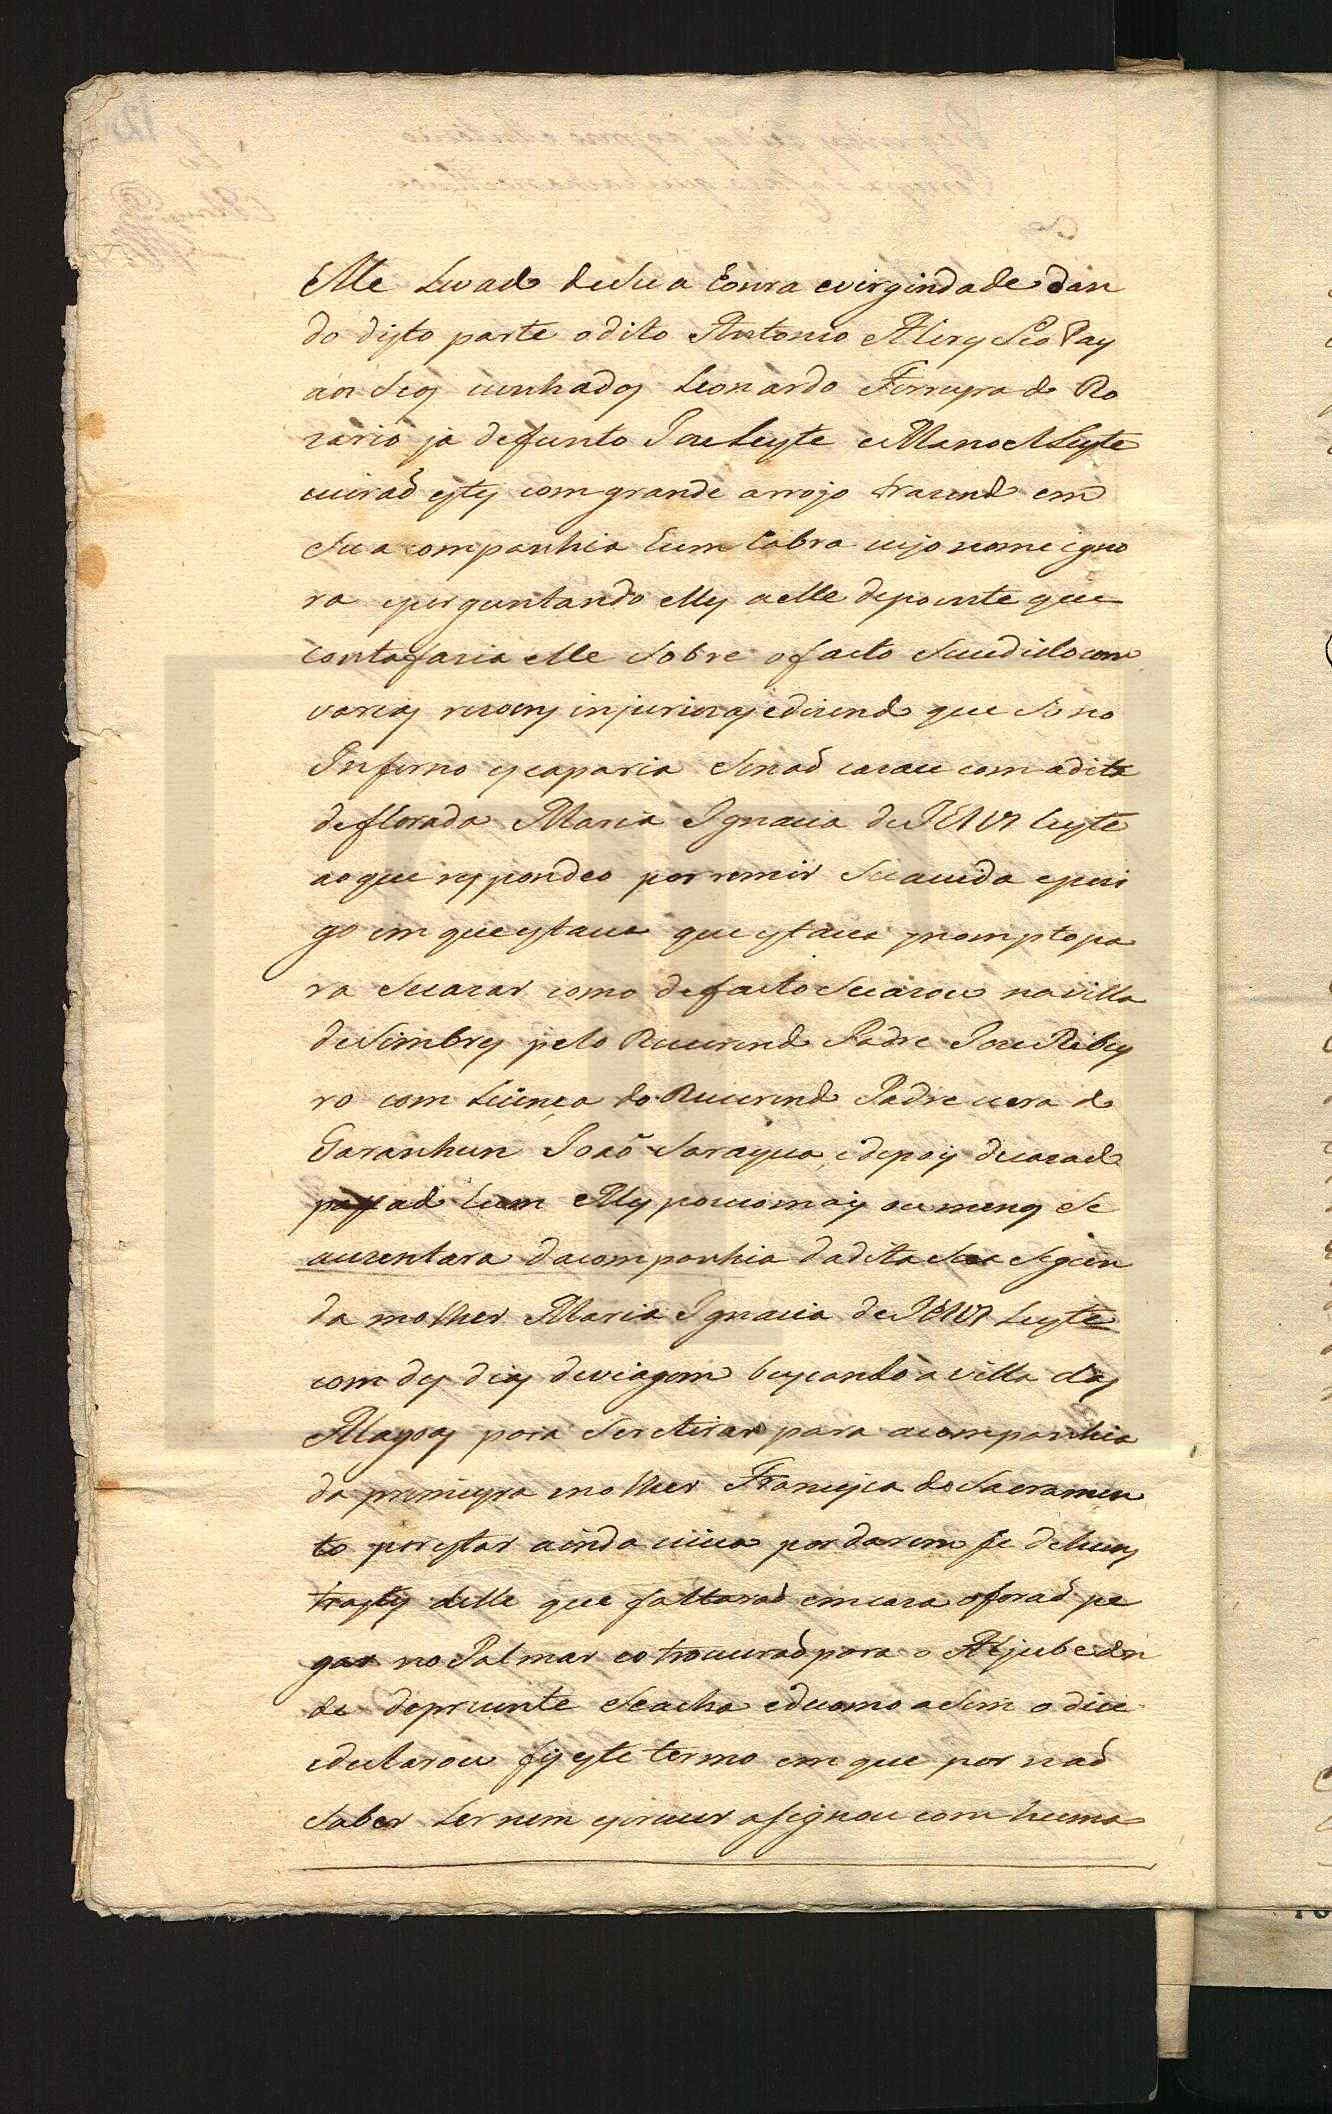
Elle levado de sua honra e virgindade dan
do disto parte o dito Antonio Alvres Seo Pay
aos seos cunhados Leonardo Ferreyra do Ro
zario ja defunto Ioze Leyte e Manoel Leyte
uierão estes com grande arrojo trazendo em
Sua companhia hum cabra cujo nome igno
ra e perguntando elles a elle depoente que
conta faria elle sobre o facto sucedido com
varias rezoens injuriozas e dizendo que so no
Inferno escaparia e Senão cazace com a dita
deflorada Maria Ignacia de IESUS Leyte
ao que respondeo por remir sua uida e peri
go em que estaua que estaua prompto pa
ra se cazar como de facto se cazou na villa
de Simbres pelo Reuerendo Padre Ioze Ribey
ro com Licença do Reuerendo Padre cura de
Garanhun Ioaõ Saraqua, e depois de cazado
passado hum Mes pouco mais ou menos se
auzentara da companhia da dita sua segun
da molher Maria Ignacia de IESUS Leyte
com des dias de viagem buscando a villa das
Alagoas para se retirar para a companhia
da primeyra molher Francisca do Sacramen
to por estar ainda viva por darem fe de huns
trastes delle que faltaraõ em caza o forão pe
gar no Palmar e o troucerão para o Aljube on
de de prezente se acha e de como asim o dice
e declarou fis este termo em que por naõ
saber Ler nem escrever asignou com huma
